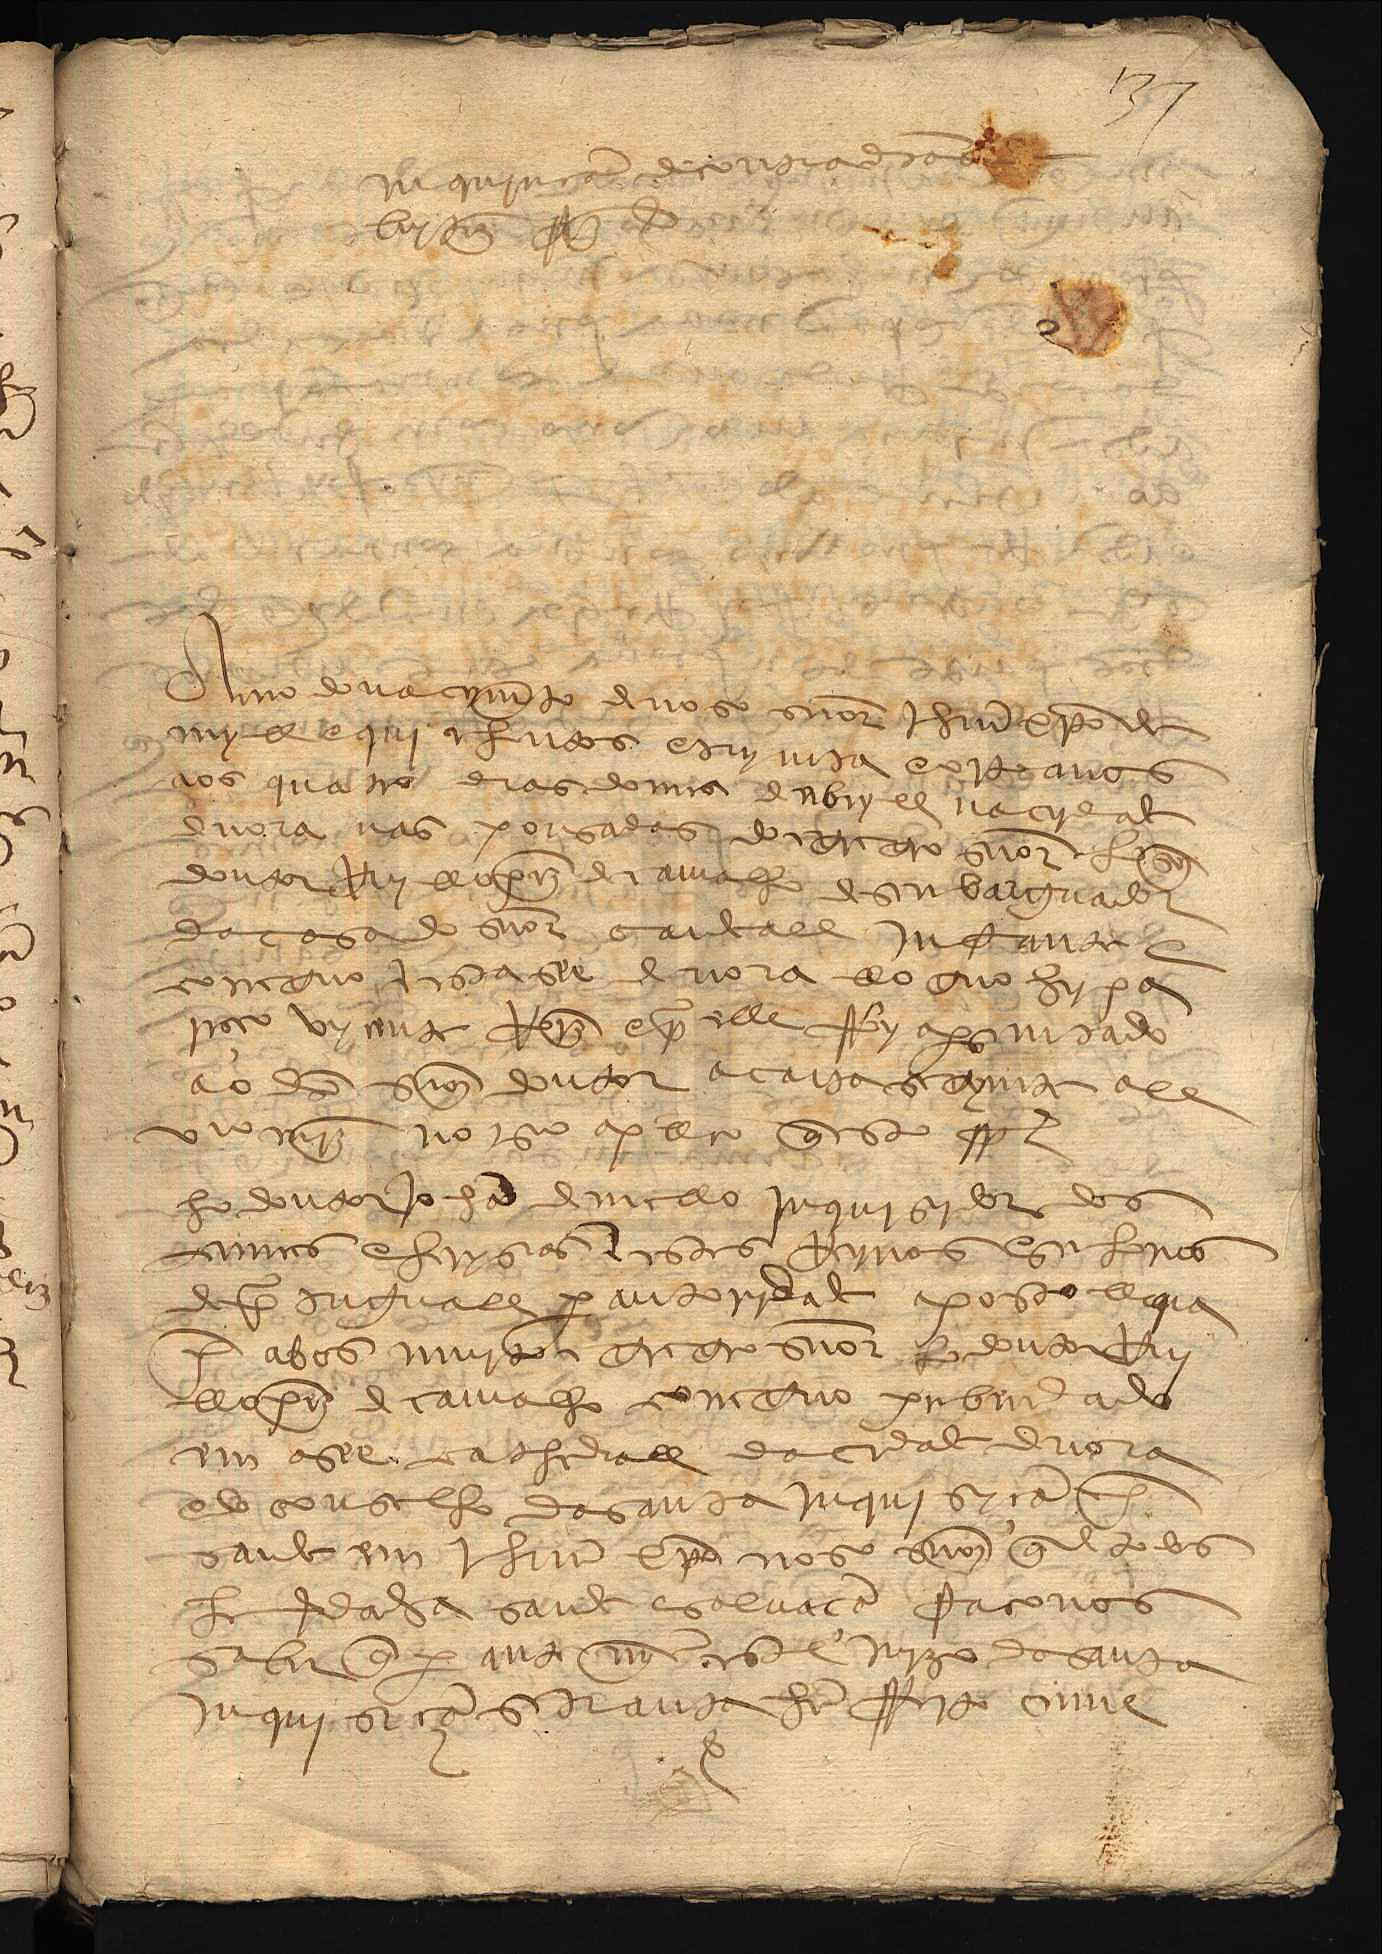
Jnqujricā de contradt̄as de
brytiz fr̄z
Anno do nacym̄to de noso sn̄or Jhuū xp̄o de
myll e qujnhentos e trymta e ojto anos
aos quatro dias do mes de abryll na cydade
deuora nas pousadas do egregio sn̄or ho s̄or
doutor Ruj llopiz de carualho desenbarguador
da casa do sn̄or cardeall Jnfante e
coneguo ē esta see deuora lloguo hy pa
reçeo vycente Rōjz e p̄o elle ffoy aꝑsemtado
ao dt̄o sn̄or doutor a carta segymte all
vro mj̄z notro apl̄lco q̄ esto sp̄vj
ho doutor Johā de mello Jnqujsjdor dos
crimees e herysias ē estes Reynos e senhorios
de p̄otuguall ꝑ autorydade apostolliqua
c̄ꝭ a vos mujto egregio s̄nor ho doutor Ruj
llopiz de carualho coneguo prebendado
em a see cathedrall da cidade deuora
e do conselho da santa Jnqujsyçā c̄ꝭ
saude em Jhuū xp̄o noso sn̄or q̄ de todos
he ꝟdadja saude e saluaçā faco uos
saber q̄ ꝑante m̄j ē este Jujzo da santa
Jnqujsiçā se trauta hū ffejto crime
